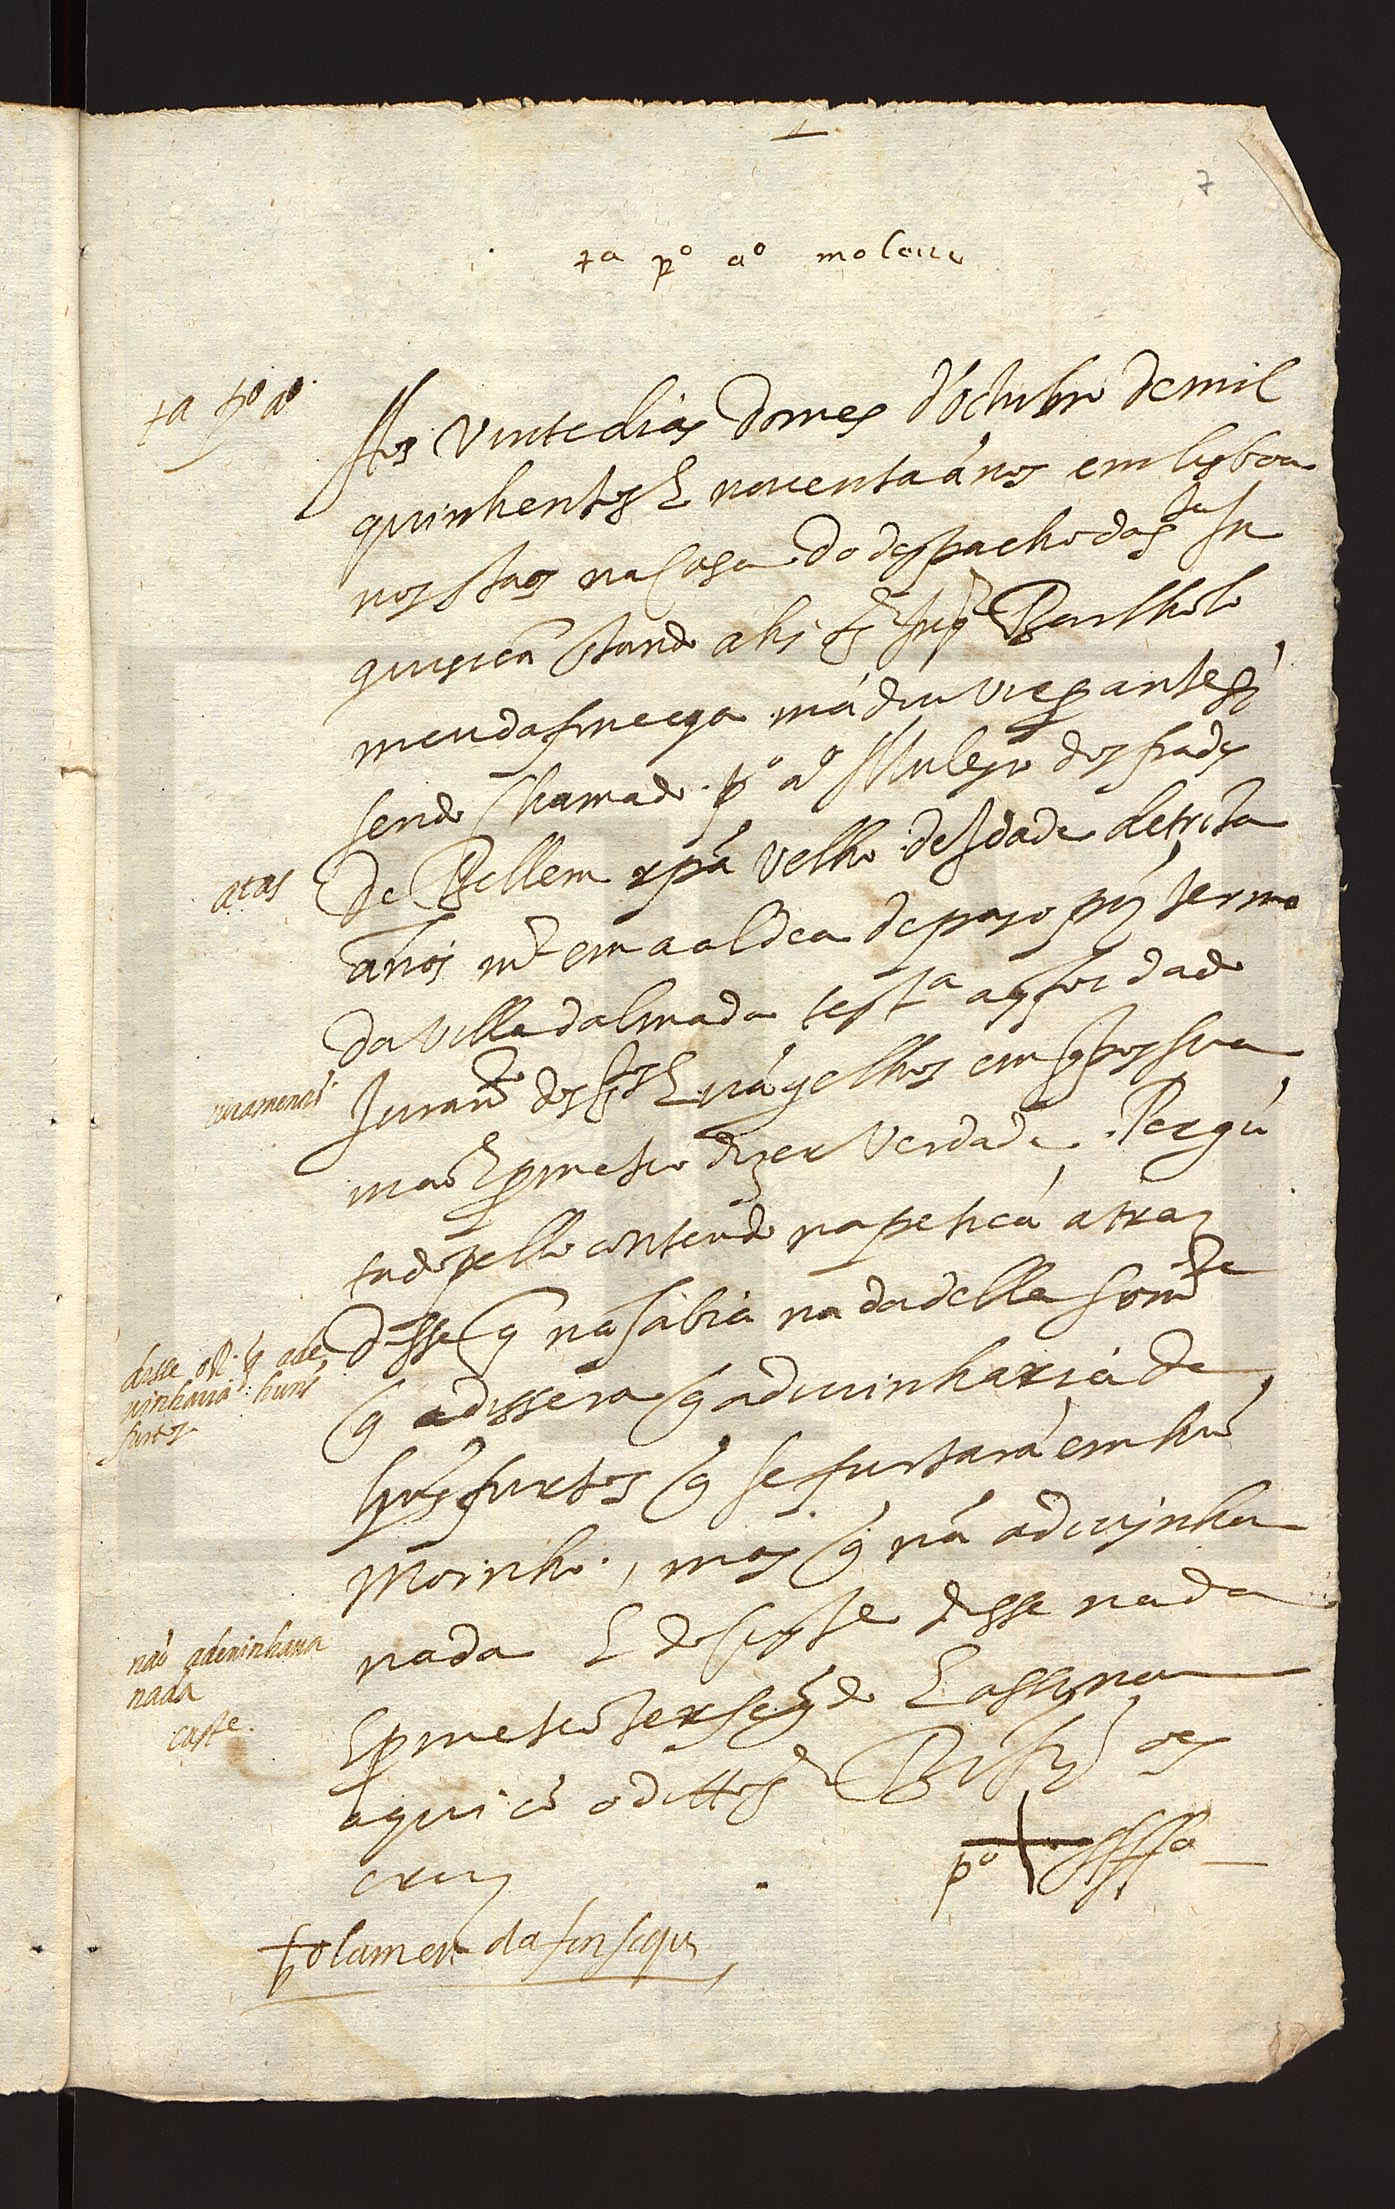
ta po ao moleiro
Aos vinte dias do mes d'octubro de mil
quinhentos E nouenta an̄os em lisboa
nos staos na Casa do despacho da Sta Jn
quisicā stando ahi o Sr Jnqr Bartholo
meu da fonceqa mādou vir ꝓante sj
sendo Chamado . po ao Mulejro dos frades
de Bellem xpā velho de Jdade de trīta
ānos mr em a aldea de paio pīz termo
da villa dalmada testa a q̄ foi dado
Juramto dos Stos Euāgelhos em q̄ pos sua
mão E ꝓmeteo dizer verdade. Pergū
tado pello conteudo na peticā atraz
disse q̄ nā sabia nada delle somte
q̄ _ dissera q̄ adiuinharia de
hus̄ furtos q̄ se furtarā em hū
marinho ./ mas q̄ nā adiujnha
nada E do Custe disse nada
E ꝓmeteo ter seḡdo E assinou
aqui cō o ditto Sr Br̄ frz̄ o es
creuj
